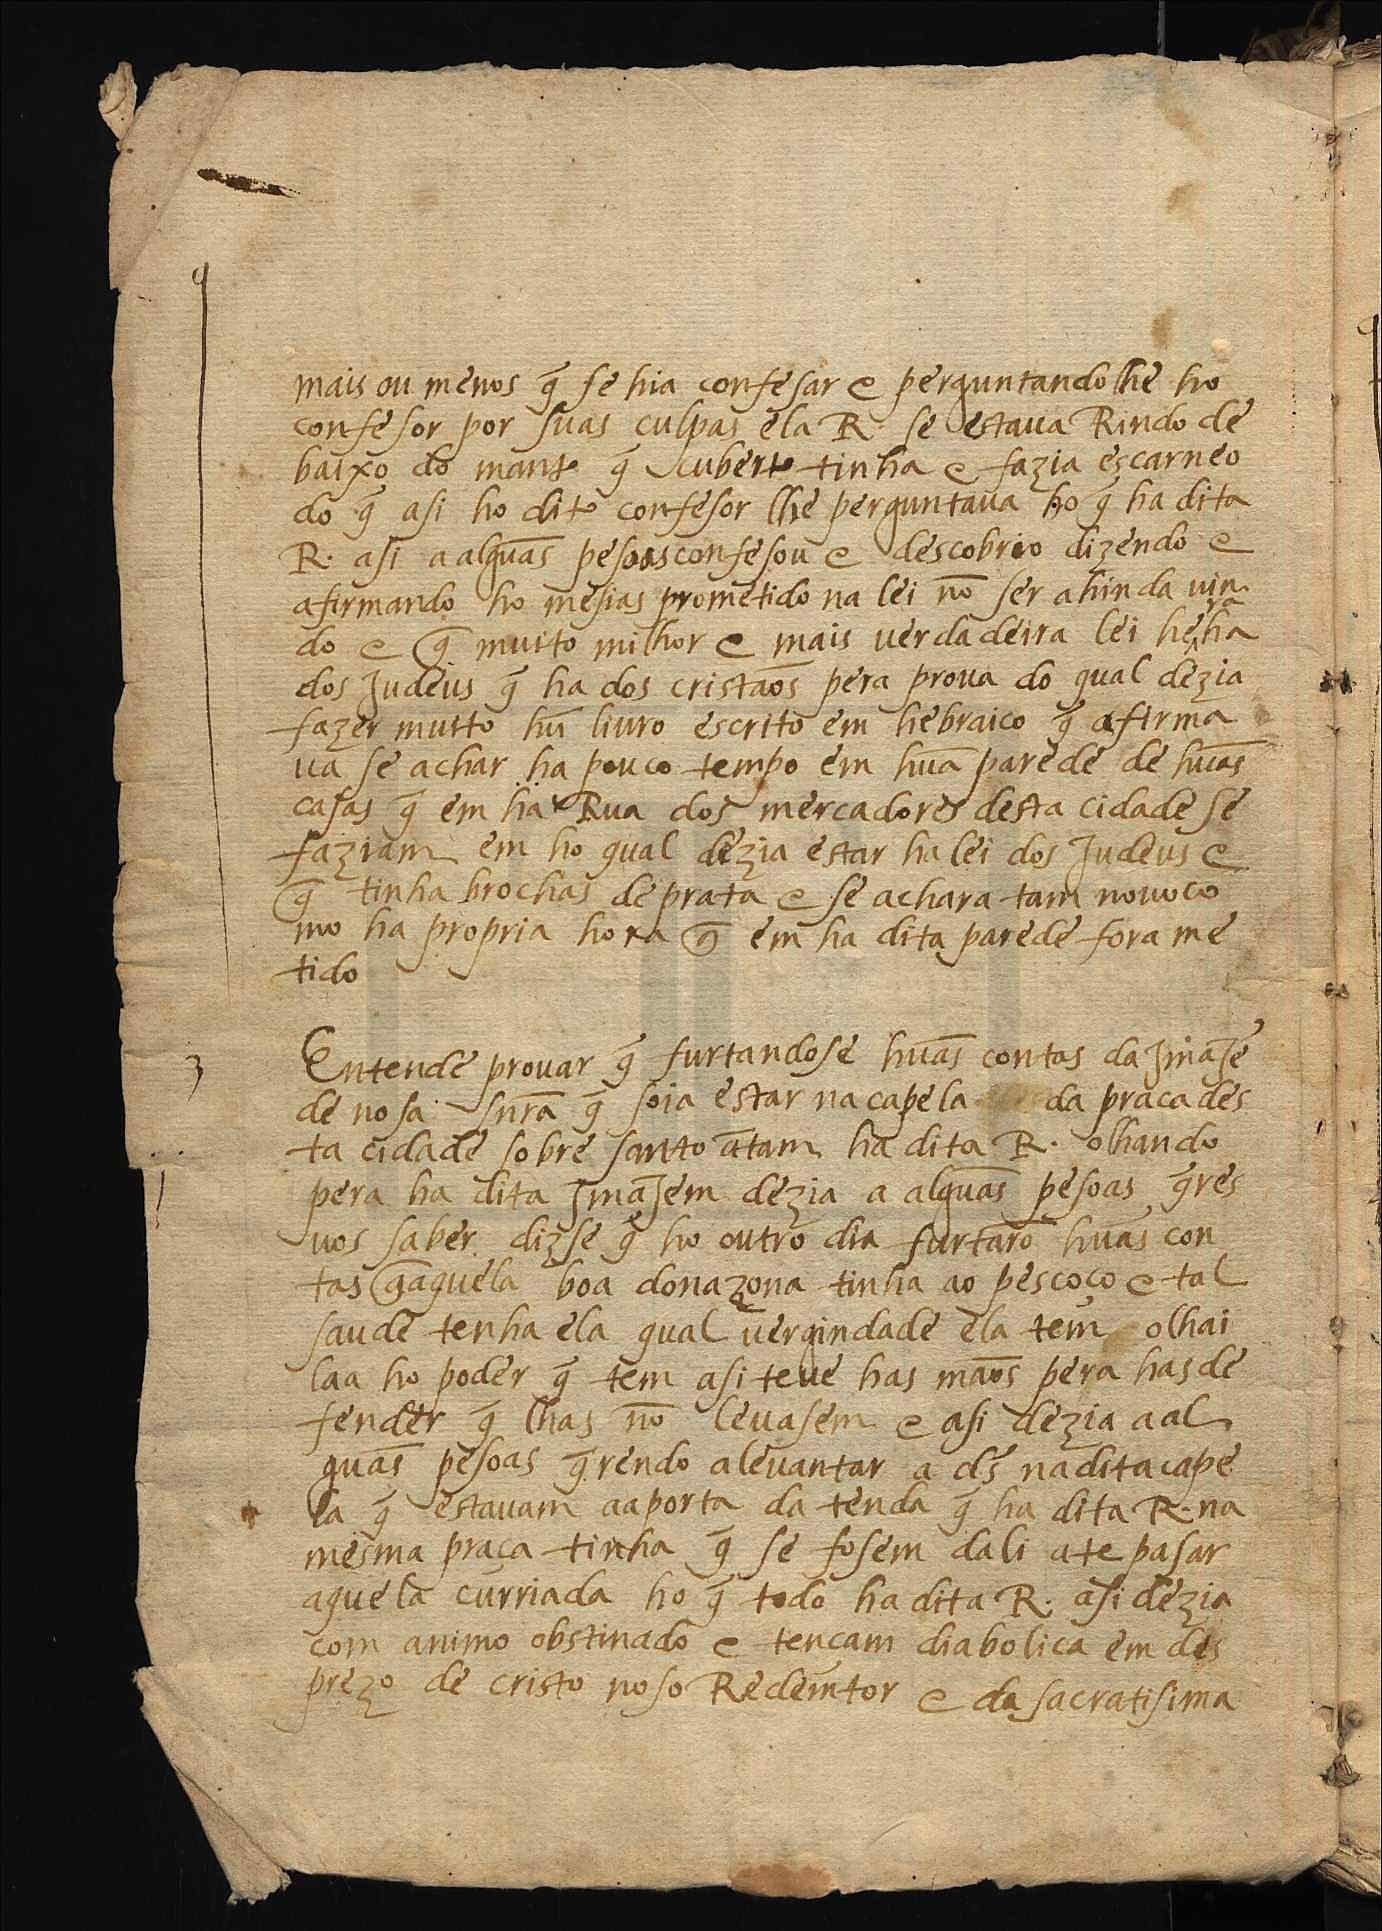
mais ou menos q̄ se hia confesar e perguntando lhe ho
confesor por suas culpas ela R. se estaua Rindo de
baixo do manto q̄ cuberto tinha e fazia escarneo
do q̄ asi ho dito confesor lhe perguntaua ho q̄ ha dita
R. asi a algūas pesoas confesou e descobrio dizendo e
afirmando ho mesias prometido na lei n̄o ser ahinda uin
do e q̄ muito milhor e mais uerdadeira lei he ha
dos Judeus q̄ ha dos cristãos pera proua do qual dezia
fazer muito hū liuro escrito em hebraico q̄ afirma
ua se achar ha pouco tempo em hūa parede de hūas
casas q̄ em ha Rua dos mercadores desta cidade se
faziam em ho qual dezia estar ha lei dos Judeus e
q̄ tinha brochas de prata e se achara tam nouo co
mo ha propria hora q̄ em ha dita parede fora me
tido
Entende prouar q̄ furtandose hūas contas da JmaJē
de nosa snr̄a q̄ soia estar na capela _ da praca des
ta cidade sobre santo ātam ha dita R. olhando
pera ha dita JmaJem dezia a algūas pesoas q̄res
uos saber dizse q̄ ho outro dia furtāro hūas con
tas q̄ aquela boa donazona tinha ao pescoço e tal
saude tenha ela qual uergindade ela tem olhai
laa ho poder q̄ tem asi teue has mãos pera has de
fender q̄ lhas n̄o leuasem e asi dezia a al
guāas pesoas q̄rendo aleuantar a ds̄ na dita cape
la q̄ estauam aa porta da tenda q̄ ha dita R. na
mesma praça tinha q̄ se fosem dali ate pasar
aquela curriada ho q̄ todo ha dita R. asi dezia
com animo obstinado e tençam diabolica em des
prezo de cristo noso Redemtor e da sacratisima
